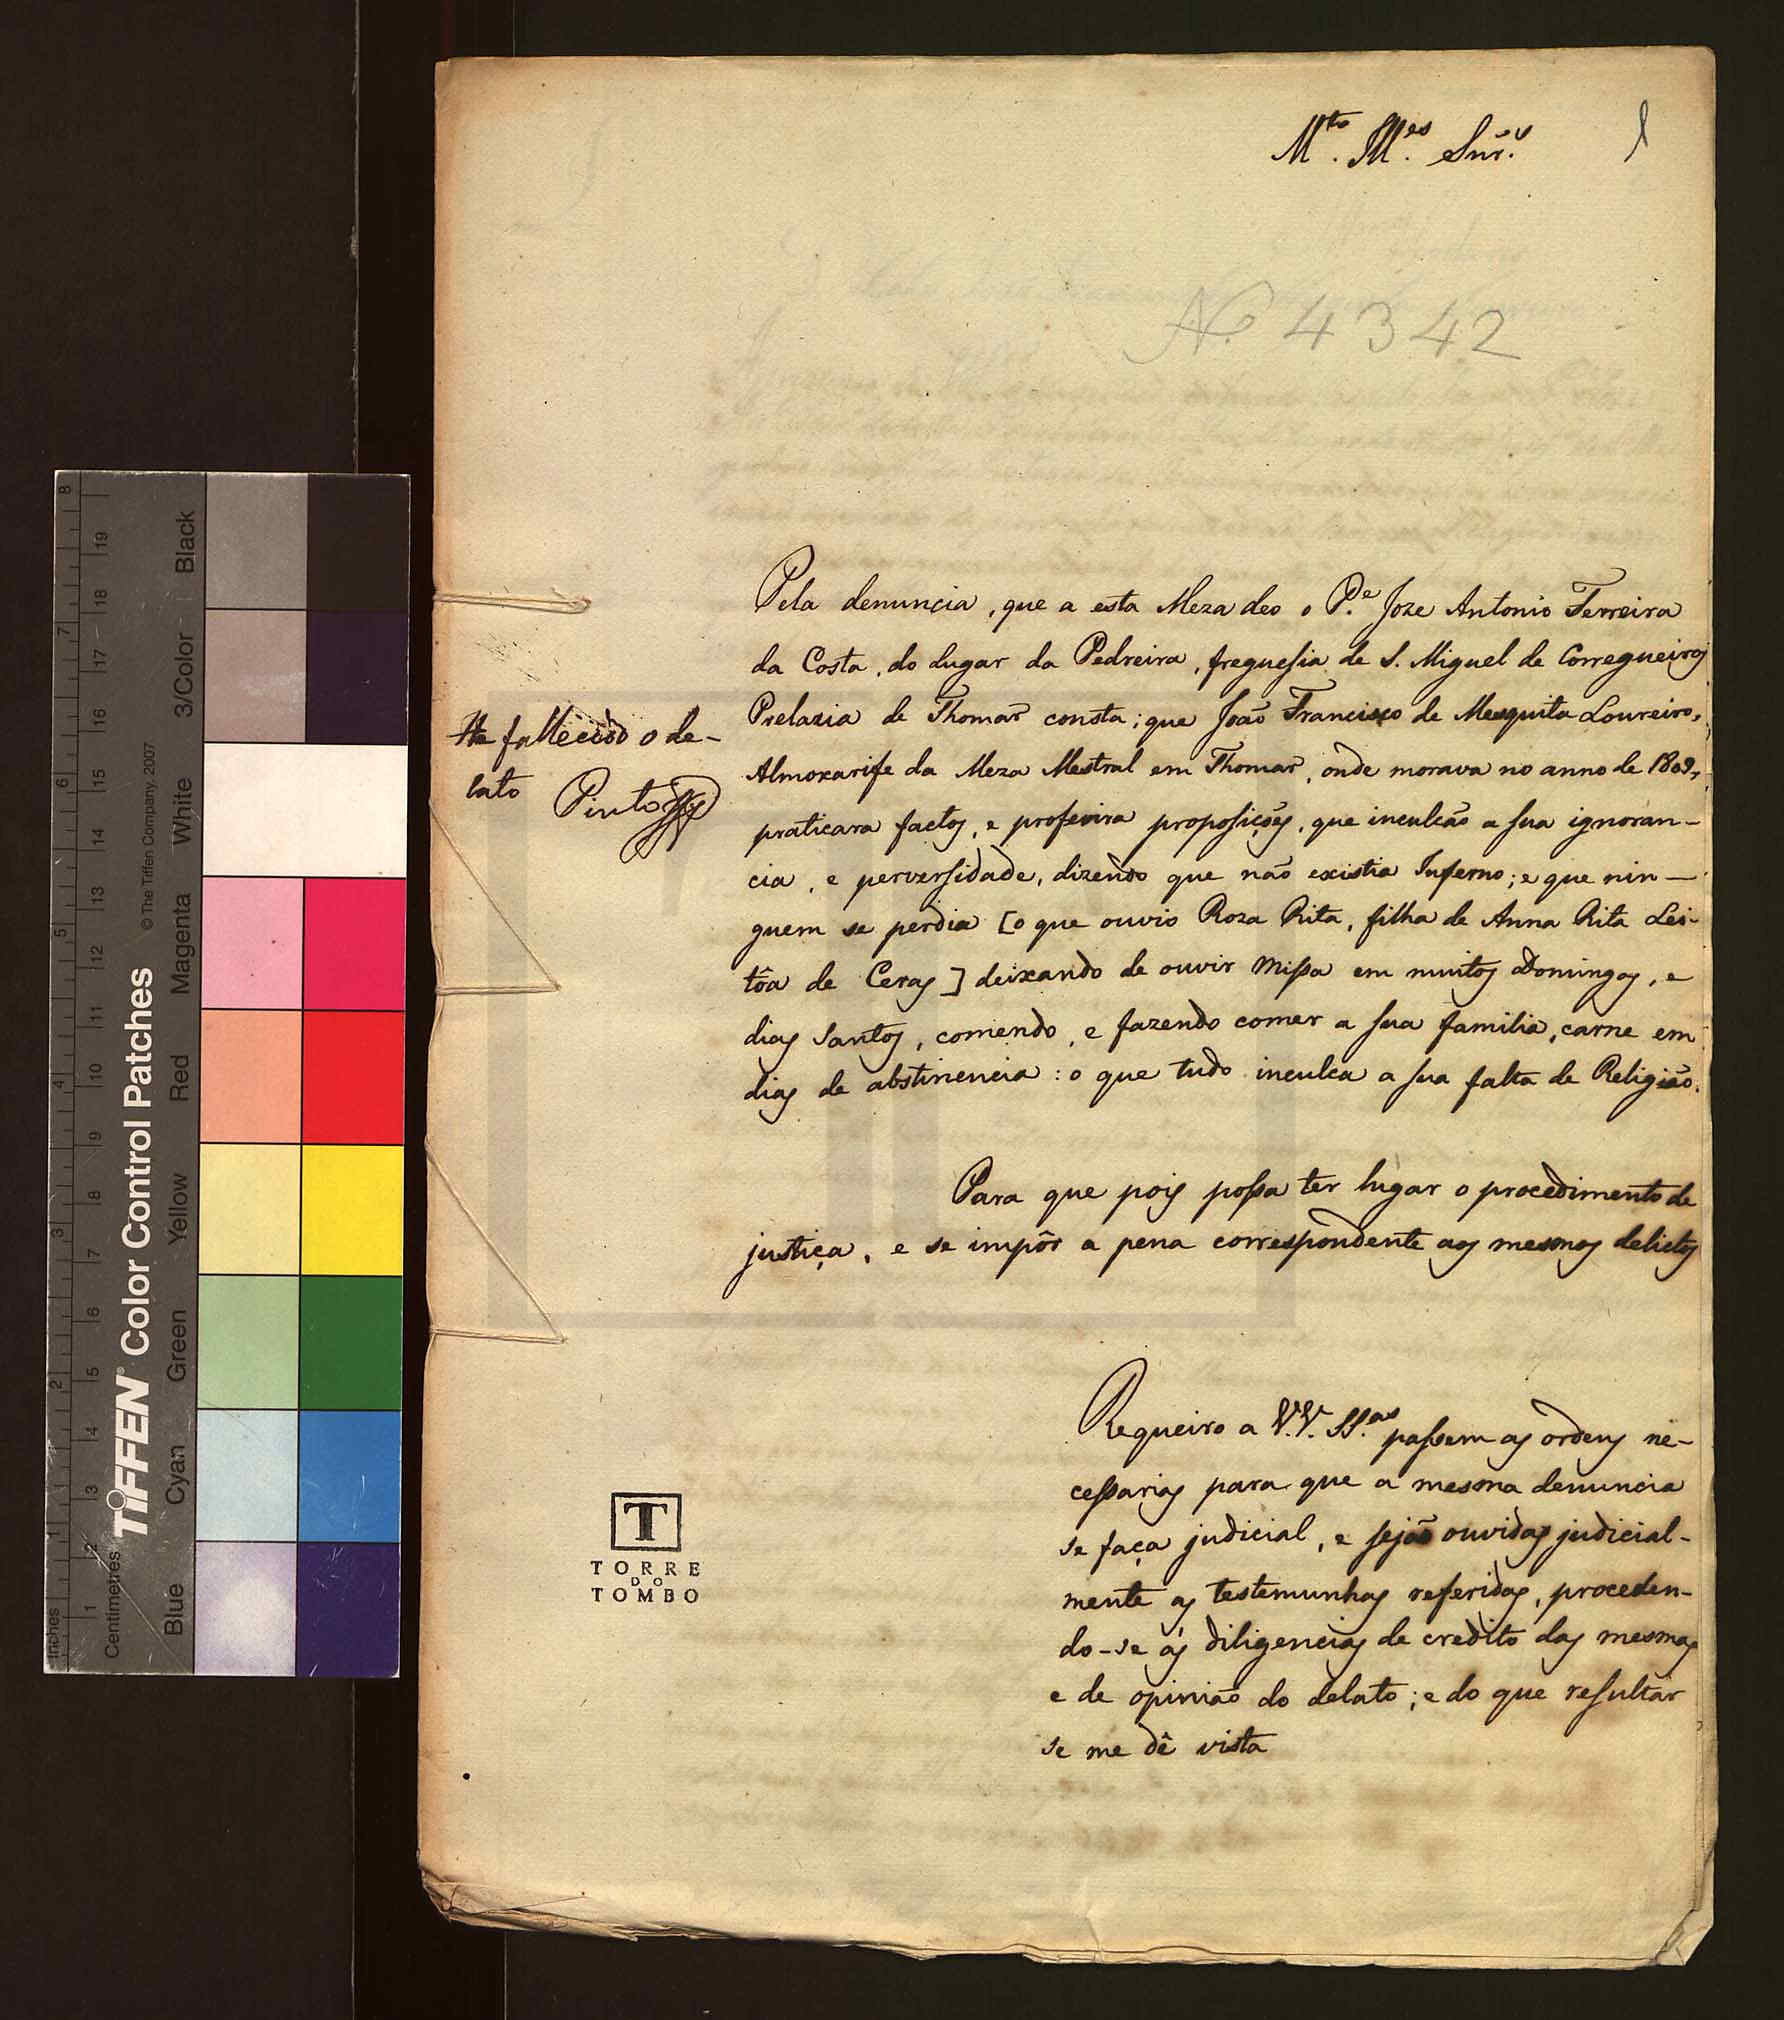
M.to Ill.es Snr.es
Pela denuncia, que a esta Meza deo o P.e Joze Antonio Ferreira
da Costa, do Lugar da Pedreira, freguesia de S. Miguel de Corregueiros
Prelazia de Thomar consta; que Joaõ Francisco de Mesquita Loureiro,
He fallecido o de
lato
Pinto
Almoxarife da Meza Mestral em Thomar, onde morava no anno de 1809,
praticara factos, e proferira proposiçoẽs, que inculcaõ a sua ignoran
cia, e perversidade, dizendo que naõ existia Inferno; e que nin
guem se perdia (o que ouvio Roza Rita, filha de Anna Rita Lei
tôa de Ceras) deixando de ouvir missa em muitos Domingos, e
dias santos, comendo, e fazendo comer a sua familia, carne em
dias de abstinencia: o que tudo inculca a sua falta de Religiaõ.
Para que pois possa ter lugar o procedimento de
justiça, e se impôs a pena correspondente aos mesmos delictos
Requeiro a V.V. ss.as passem as ordens ne
cessarias para que a mesma denuncia
se faça judicial, e sejaõ ouvidas judicial
mente as testemunhas referidas, proceden
do-se ás diligencias de credito das mesmas
e de opiniaõ do delato; e do que resultar
se me dê vista
